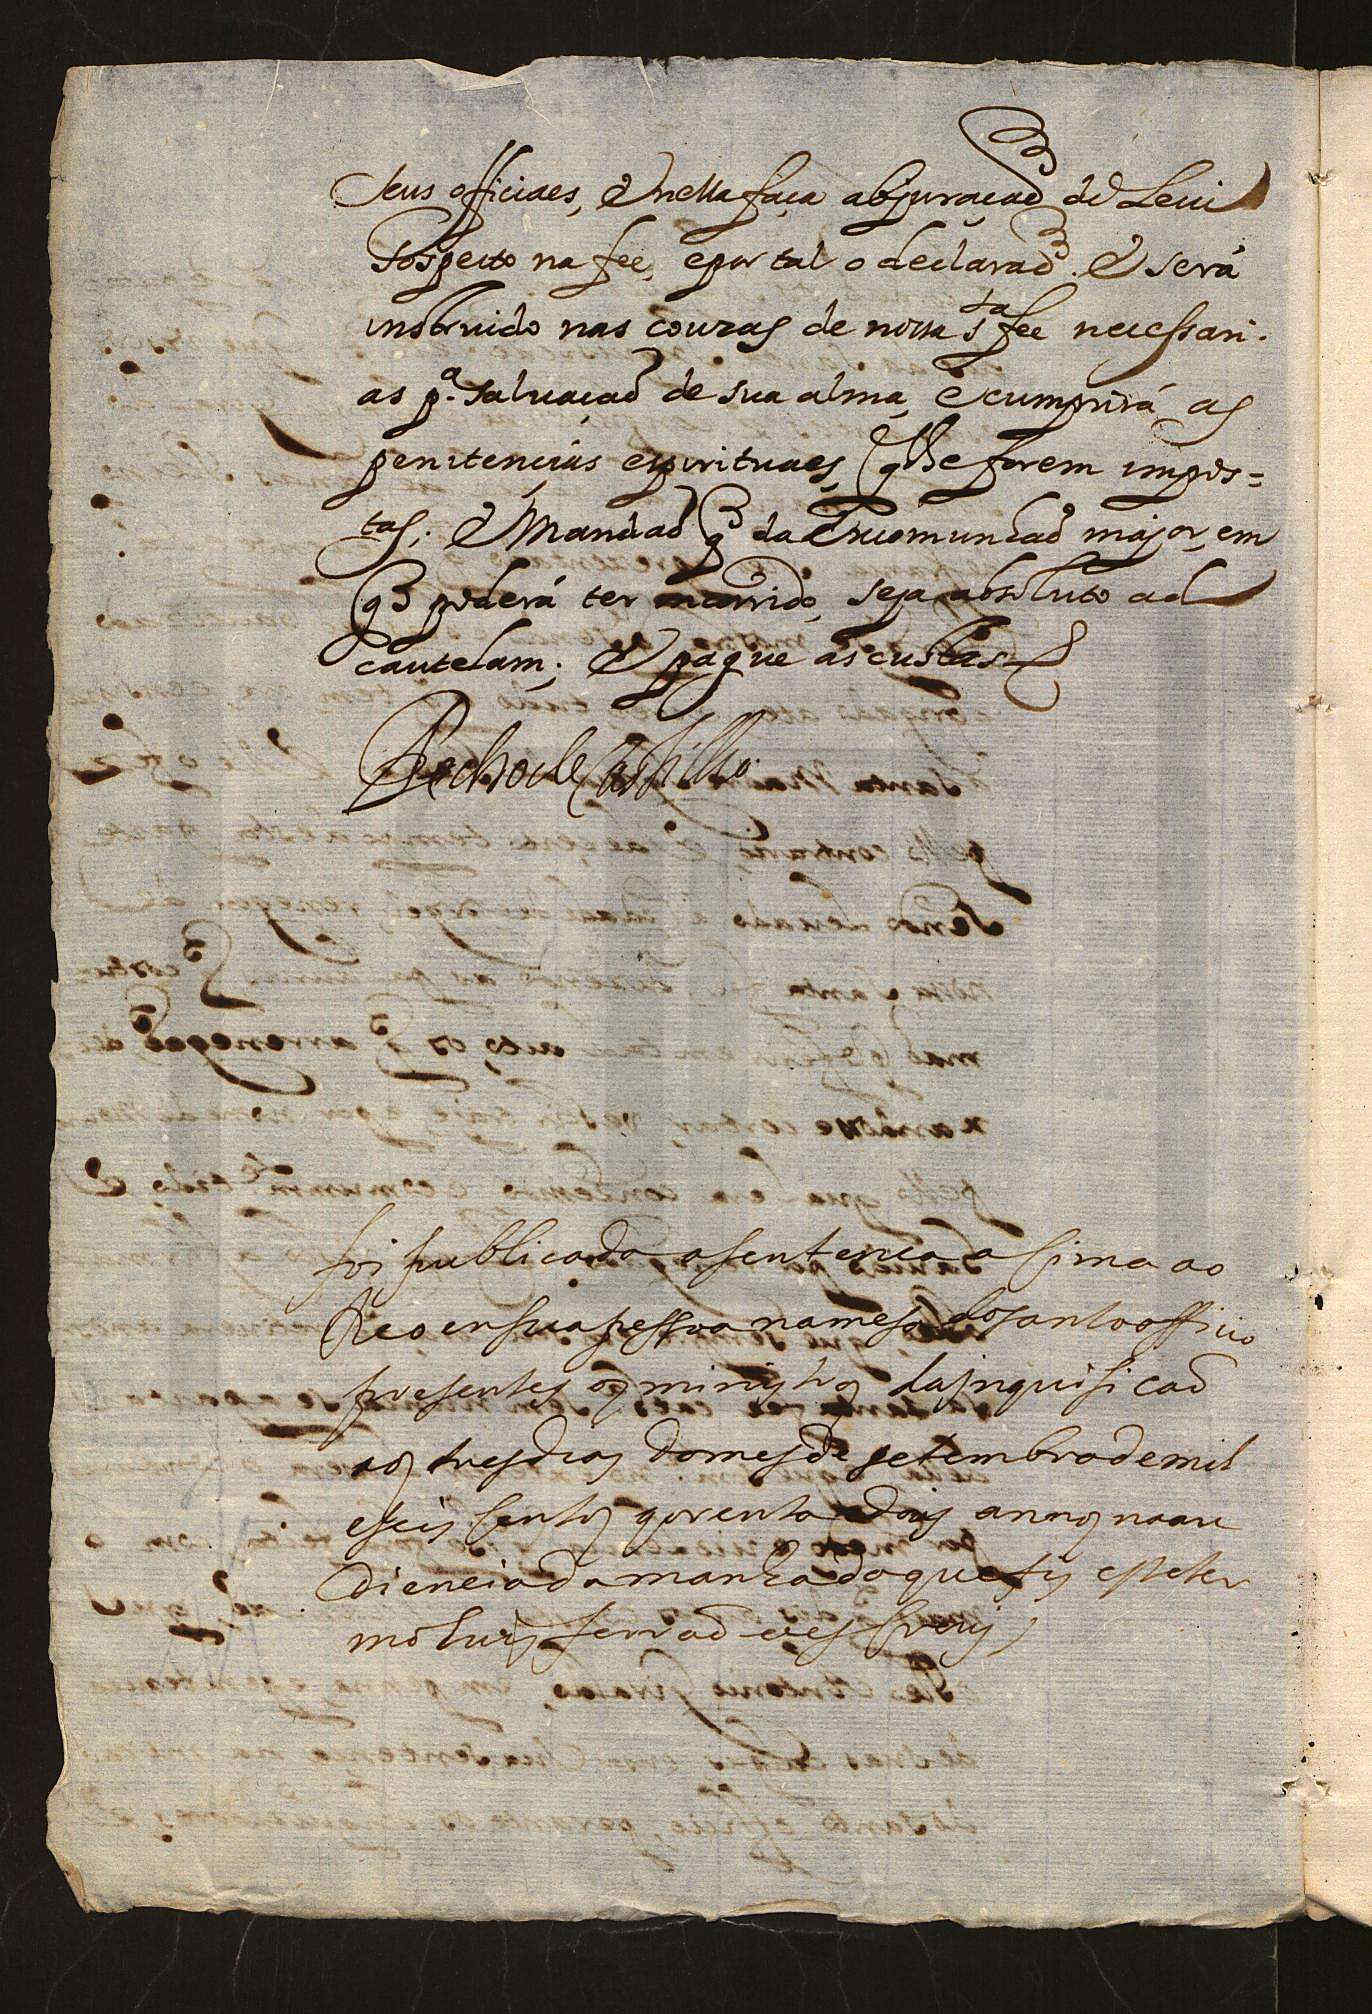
Seus officiaes, e nella faça abjuraçaõ de Leui
sospeito na fee, e por tal o declaraõ. E será
instruido nas couzas de nossa sta fee necessari
as p.a saluaçaõ de sua alma, e cumprirá as
penitencias espirituaes, q̄ lhe forem impos
tas; E mandaõ q̄ da excomunhaõ major, em
q̄ poderá ter encorrido, seja absoluto ad
cautelam; E pague as custas
Pedro de Castilho
foi publicada a sentença aCima ao
Reo en sua pessoa na mesa do santo officio
presentes os ministros da jnquisiçaõ
aos tres dias do mes de setembro de mil
e seisCentos qorenta e dous annos na au
diencia da manha do que fis este ter
mo luis ferraõ o esCreuj
